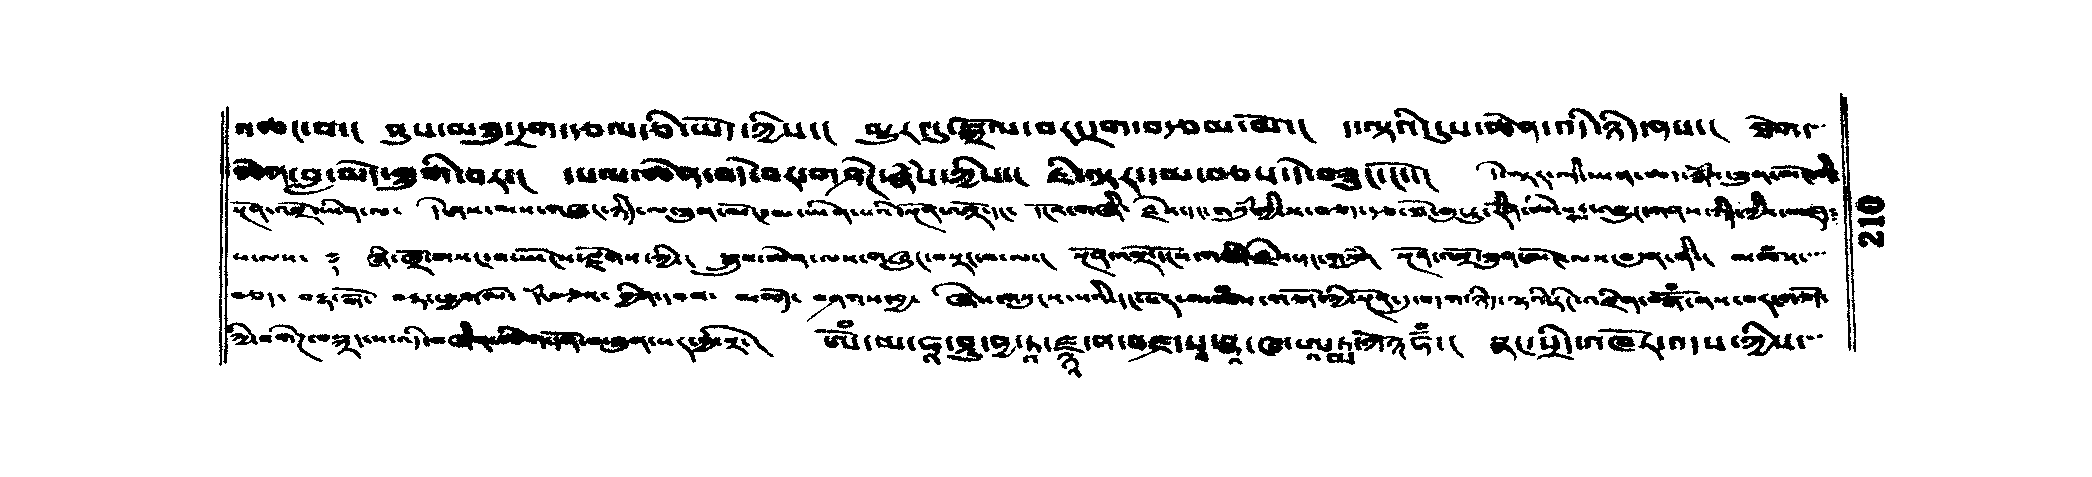འཆང་བ། །ནུས་མཐུ་དྲག་རྩལ་ཅི་ཡོད་ཀྱིས། །མྱུར་དུ་སྒྲོལ་བར་དྲག་བརྩམ་མོ། །ད་ལྟའི་དུས་ཆེན་འདི་ཉིད་ནས། །ཐེག་
ཆེན་བླ་མེད་ཐུག་ཀྱི་བར། །དཔལ་ཆེན་བདེ་བར་གཤེགས་རྣམས་ཀྱིས། །ཇི་ལྟར་དམ་བཅས་དེ་བཟུང་ངོ་། །དེ་ལྟར་འདི་ཡན་ཆད་རྣམས་ཐུན་མོང་གི་
སྔོན་འགྲོ་ཡིན་ལ། དེ་ནས་ལས་གཞུང་ཉིད་ལ་ཐུན་མོང་མ་ཡིན་པའི་སྔོན་འགྲོ་དང་། དངོས་གཞི། རྗེས་དང་གསུམ་གྱི་ས་བཅད་རྩ་ཐོ་གུ་རུ་རིན་པོ་ཆེ་པདྨ་འབྱུང་གནས་ཉིད་ཀྱིས་མཛད་
པ་ལས། ༈ ཞི་ཁྲོ་གསང་བ་ཡོངས་རྫོགས་ཀྱི། །སྒྲུབ་ཆེན་ལས་གཞུང་བསྲང་བ་ལ། །སྔོན་འགྲོ་དངོས་གཞི་རྗེས་དང་གསུམ། སྔོན་འགྲོ་ཐུན་མོང་ལས་བདུན་ནི། མཚམས་
བཅད། བརྡ་སྒོ་བརྡ་ཕྱག་འཚལ། དམ་བཅའ། བྱིན་དབབ། མཆོད། བཤགས་བྱ། ཞེས་གསུངས་པའི་དང་པོར་མཚམས་གཅོད་ཀྱི་སྔོན་དུ་བདག་ཉིད་ལྷའི་ཏིང་འཛིན་བསྒོམ་ནས་བར་གཅོད་
ཀྱི་བགེགས་བསྐྲད་པ་འདི་བཞིན་ཚིག་དོན་མཐུན་པར་བྱ་སྟེ། ཨོཾ་མ་ཧཱ་ཤུ་ནྱ་ཏཱ་ཛྙཱ་ན་སྭ་བྷཱ་ཨཱདྨ་ཀོཉཧྃ། སྣང་སྲིད་འཁོར་འདས་ཀྱིས་